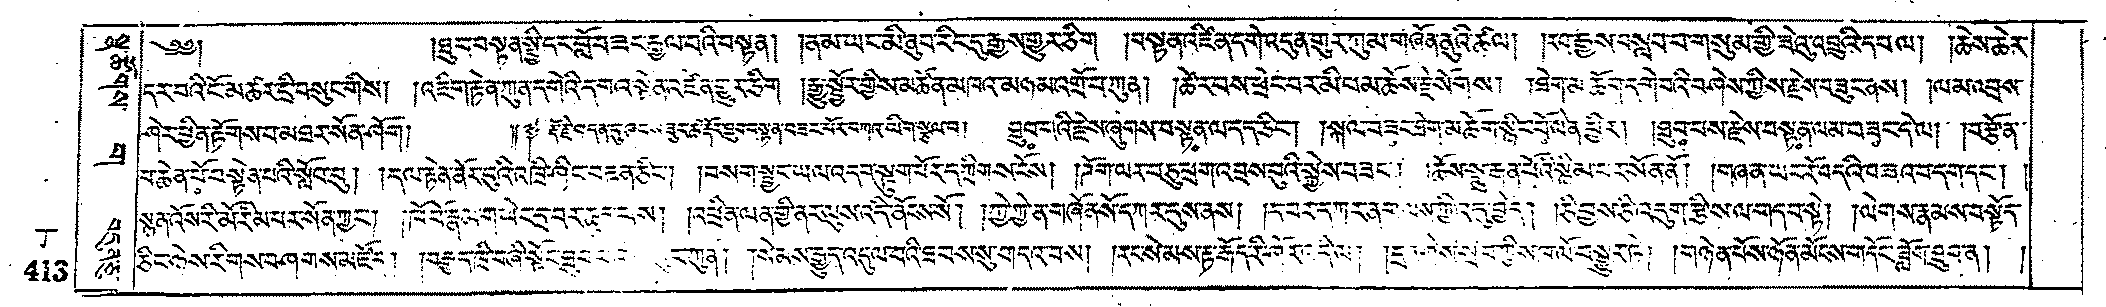༄༅། །ཐུབ་བསྟན་སྤྱི་དང་བློ་བཟང་རྒྱལ་བའི་བསྟན། །ནམ་ཡང་མི་ནུབ་རིང་དུ་རྒྱས་གྱུར་ཅིག །བསྟན་འཛིན་དགེ་འདུན་གུར་ཀུམ་གཞོན་ནུའི་ཚལ། །རབ་རྒྱས་བསླབ་པ་གསུམ་གྱི་ཟེའུ་འབྲུའི་དཔལ། །ཆེས་ཆེར་
དར་བའི་ངོ་མཚར་དྲི་བསུང་གིས། །འཇིག་རྟེན་ཀུན་དགེའི་དགའ་སྟོན་འཛིན་གྱུར་ཅིག །རྒྱུ་སྦྱོར་གྱིས་མཚོན་མཁའ་མཉམ་འགྲོ་བ་ཀུན། །ཚེ་རབས་ཕྲེང་བར་མི་ཕམ་ཆོས་རྗེ་སོགས། །ཐེག་མཆོག་དགེ་བའི་བཤེས་ཀྱིས་རྗེས་བཟུང་ནས། །ལམ་འབྲས་
ཤེར་ཕྱིན་རྟོགས་པ་མཐར་སོན་ཤོག། །། འ་རྡོ་རྗེ་གདན་དུ་ཞབས་ཟུར་ཚ་རྡོར་ཐུབ་བསྟན་བཟང་པོར་བཀའ་ཡིག་སྩལ་བ།  ཐུབ྾་པའི་རྗེས་ཞུགས་བསྟན྾་ལ་དད་ཅིང་། །སྐལ་བཟང྾་ཐེག་མཆོག་སྙིང་པོ྾་ལེན་ཕྱིར། །ཐུབ྾་པས་རྗེས་བསྟན྾་ལམ་བཟང྾་དེ་ལ། །བརྩོན་་་
པ་ཆེན་པོ྾་བསྟེན་པའི་སློབ་བུ། །དལ་རྟེན་ནོར་བུའི་འཁྲི་ཤིང་བརྟན་ཅིང་། །བསག་སྦྱང་ཡལ་འདབ་སྟུག་པོར་དཀྲིགས་ངོས། །ཌོག་ལར་བཅུ་ཕྲག་འབྲས་བུའི་སྐྱེས་བཟང་། །ཆོས་སྨྲ་རྒན་པོའི་སྙིམ་པར་སོན་ནོ། །གཞན་ཡང་རོ་བདའི་བཟའ་བ་དག་དང་། །
སྙན་འོས་རི་མོ་རིམ་པར་སོན་ཀྱང་། །ཁོ་བོ་རྣམ་གཡེང་དྲ་བར་ཆུད་པས། །འཕྲིན་ལན་གྱི་ནར་ལུས་འདི་ནོངས་སོ། །ཀྱེ་ཀྱེ་ན་གཞོན་སོ་དཀར་དུས་ནས། །ད་བར་དཀར་ནག་ལས་ཀྱི་འདུ་བྱེད། །ཅི་བྱས་ཅི་འདུག་རྩིས་ལ་གདབ་སྟེ། །ལེགས་རྣམས་བསྟོད་
ཅིང་ཉེས་རིགས་བཤགས་མཛོད། །བརྒྱད་ཁྲི་བཞི་སྟོང་ཐུབ་པའི་གསུང་ཀུན། །སེམས་རྒྱུད་འདུལ་བའི་ཐབས་སུ་གདའ་བས། །རང་སེམས་རྟ་རྒོད་རི་ཤོར་འདི་ལ། །དྲན་ཤེས་སྲབ་ཀྱིས་ཁ་ལོ་བསྒྱུར་ཏེ། །གཉེན་པོས་ཉོན་མོངས་གདོང་ཟློག་ཐུབ་ན། །